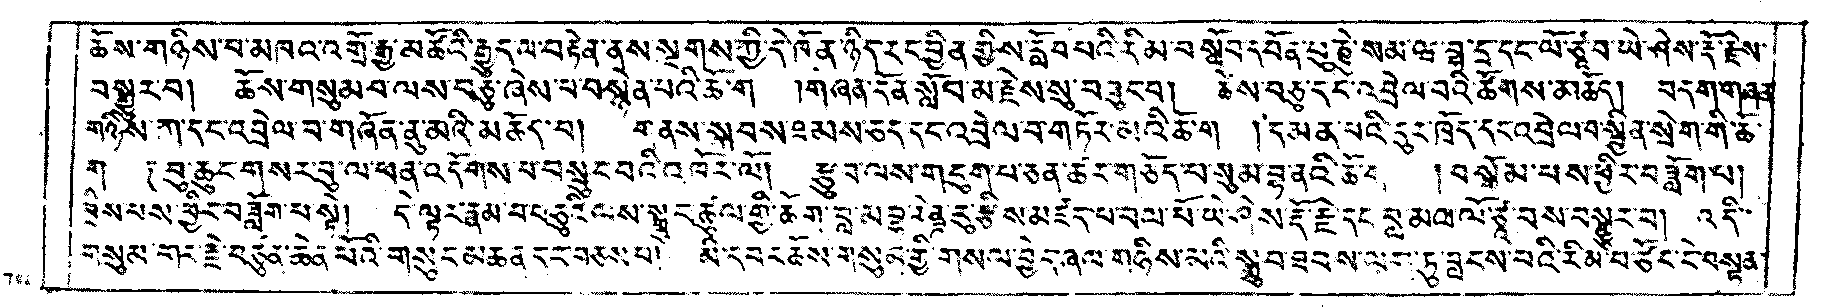ཆོས་གཉིས་པ་མཁའ་འགྲོ་རྒྱ་མཚོའི་རྒྱུད་ལ་བརྟེན་ནས་སྔགས་ཀྱི་དེ་ཁོ་ན་ཉིད་རང་བྱིན་གྱིས་རློབ་པའི་རིམ་པ་སློབ་དཔོན་པུཎྱེ་སམ་ཝ་བྷ་དྲ་དང་ལོ་ཙཱ་བ་ཡེ་ཤེས་རྡོ་རྗེས་
བསྒྱུར་བ། ཆོས་གསུམ་པ་ལས་བཅུ་ཞེས་པ་བསྙེན་པའི་ཆོ་ག །གཞན་དོན་སློབ་མ་རྗེས་སུ་བཟུང་བ། ཚེས་བཅུ་དང་འབྲེལ་བའི་ཚོགས་མཆོད། བདག་གཞན་
གཉིས་ཀ་དང་འབྲེལ་བ་གཞོན་ནུ་མའི་མཆོད་པ། གནས་སྐབས་ཐམས་ཅད་དང་འབྲེལ་བ་གཏོར་མའི་ཆོ་ག །དམན་པའི་དུར་ཁྲོད་དང་འབྲེལ་བ་སྦྱིན་སྲེག་གི་ཆོ་
ག །བུ་ཆུང་གསར་བུ་ལ་ཕན་འདོགས་པ་བསྲུང་བའི་འཁོར་ལོ། རྩུབ་ལས་གདུག་པ་ཅན་ཚར་གཅོད་པ་སུམ་བྷ་ནའི་ཆོ་ག །བསྒོམ་པས་ཕྱིར་བཟློག་པ།
བྲིས་པས་ཕྱིར་བཟློག་པ་སྟེ། དེ་ལྟར་རྣམ་པ་བཅུའི་ལས་སྒྲུབ་ཚུལ་གྱི་ཆོ་ག་བླ་མ་བྷ་རེནྜ་རུ་རྩིས་མཛད་པ་བལ་པོ་ཡེ་ཤེས་རྡོ་རྗེ་དང་བླ་མལ་ལོ་ཙཱ་བས་བསྒྱུར་བ། འདི་
གསུམ་གར་རྗེ་བཙུན་ཆེན་པོའི་གསུང་མཆན་དང་བཅས་པ། མི་དབང་ཆོས་གསུམ་གྱི་གསལ་བྱེད་ཞལ་གཉིས་མའི་སྒྲུབ་ཐབས་ལག་ཏུ་བླངས་པའི་རིམ་པ་ཙོང་ངེ་བསྟན་